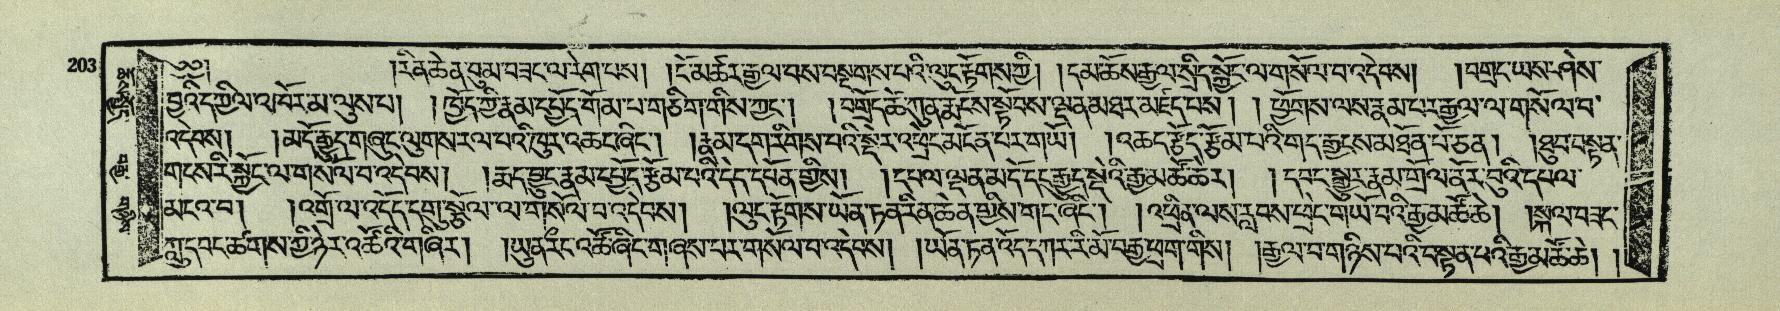༄༅། །རིན་ཆེན་བུམ་བཟང་ལ་རེག་པས། །ངོ་མཚར་རྒྱལ་བས་བསྔགས་པའི་ལུང་རྟོགས་ཀྱི། །དམ་ཆོས་རྒྱལ་སྲིད་སྐྱོང་ལ་གསོལ་བ་འདེབས། །བགྲང་ཡས་ཤེས་
བྱའི་དཀྱིལ་འཁོར་མ་ལུས་པ། །ཁྱོད་ཀྱི་རྣམ་དཔྱོད་གོམ་པ་གཅིག་གིས་ཀྱང་། །བགྲོད་ཚེ་ཀུན་རྨོངས་སྟོབས་ལྡན་མཐར་མཛད་པས། །ཕྱོགས་ལས་རྣམ་པར་རྒྱལ་ལ་གསོལ་བ་
འདེབས། །མདོ་རྒྱུད་གཞུང་ལུགས་རལ་པའི་ཁུར་འཆང་ཞིང་། །རྣམ་དག་རིགས་པའི་སྡེར་འཕྲེང་མངོན་པར་གཡོ། །འཆད་རྩོད་རྩོམ་པའི་གད་རྒྱངས་མཐོན་པོ་ཅན། །ཐུབ་བསྟན་
གངས་རི་སྐྱོང་ལ་གསོལ་བ་འདེབས། །རྨད་བྱུང་རྣམ་དཔྱོད་རྩོམ་པའི་དེད་དཔོན་གྱིས། །དཔལ་ལྡན་མདོ་དང་རྒྱུད་སྡེའི་རྒྱ་མཚོ་ཆེར། །དབང་སྒྱུར་རྣམ་གྲོལ་ནོར་བུའི་དཔལ་
མངའ་བ། །འགྲོ་ལ་འདོད་དགུ་སྩོལ་ལ་གསོལ་བ་འདེབས། །ལུང་རྟོགས་ཡོན་ཏན་རིན་ཆེན་གྱིས་གང་ཞིང་། །འཕྲིན་ལས་རླབས་ཕྲེང་གཡོ་བའི་རྒྱ་མཚོ་ཆེ། །སྐལ་བཟང་
ཀླུ་དབང་ཚགས་ཀྱི་ཉེར་འཚོའི་གཞིར། །ཡུན་རྀང་འཚོ་ཞིང་གཞས་པར་གསོལ་བ་འདེབས། །ཡོན་ཏན་འོད་དཀར་རི་མོ་བརྒྱ་ཕྲག་གིས། །རྒྱལ་བ་གཉིས་པའི་བསྟན་པའི་རྒྱ་མཚོ་ཆེ། །